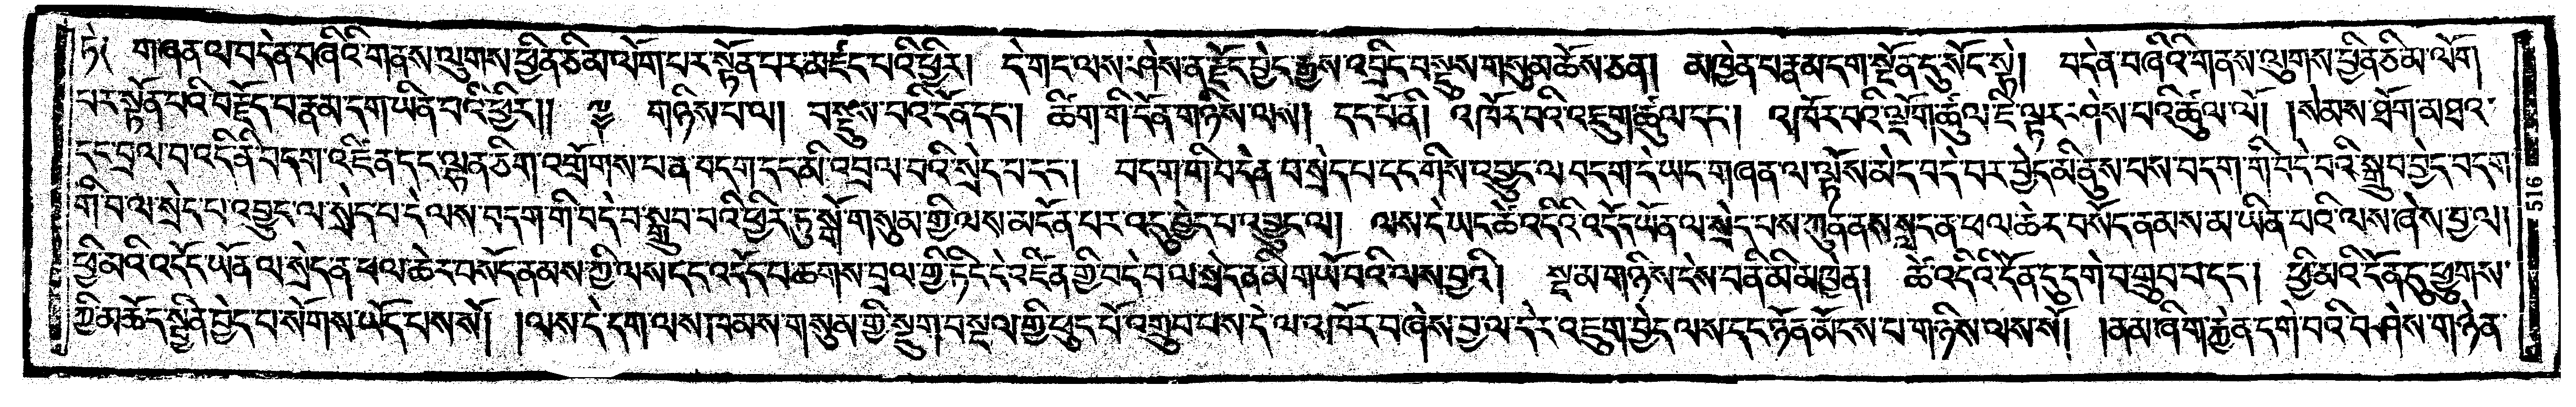ཏེ། གཞན་ལ་བདེན་བཞིའི་གནས་ལུགས་ཕྱིན་ཅི་མ་ལོག་པར་སྟོན་པར་མཛད་པའི་ཕྱིར། དེ་གང་ལས་ཤེས་ན་རྗོད་བྱེད་རྒྱས་འབྲིང་བསྡུས་གསུམ་ཆོས་ཅན། མཁྱེན་པ་རྣམ་དག་སྔོན་དུ་སོང་སྟེ། བདེན་བཞིའི་གནས་ལུགས་ཕྱིན་ཅི་མ་ལོག་
པར་སྟོན་པའི་བརྗོད་པ་རྣམ་དག་ཡིན་པའི་ཕྱིར།། ༈ གཉིས་པ་ལ། བསྡུས་པའི་དོན་དང་། ཚིག་གི་དོན་གཉིས་ལས། དང་པོ་ནི། འཁོར་བའི་འཇུག་ཚུལ་དང་། འཁོར་བའི་ལྡོག་ཚུལ་ཇི་ལྟར་ཤེས་པའི་ཚུལ་ལོ། །སེམས་ཐོག་མཐའ་
དང་བྲལ་བ་འདི་ནི་བདག་འཛིན་དང་ལྷན་ཅིག་འགྲོགས་པ་ན་བདག་དང་མི་འབྲལ་བའི་སྲེད་པ་དང་། བདག་གི་བདེན་པ་སྲེད་པ་དང་གིས་འབྱུང་ལ་བདག་དེ་ཡང་གཞན་ལ་ལྟོས་མེད་བདེ་བར་བྱེད་མི་ནུས་པས་བདག་གི་བདེ་བའི་སྒྲུབ་བྱེད་བདག་
གི་བ་ལ་སྲེད་པ་འབྱུང་ལ་སྲེད་པ་དེ་ལས་བདག་གི་བདེ་བ་སྒྲུབ་པའི་ཕྱིར་ཏུ་སྒོ་གསུམ་གྱི་ལས་མངོན་པར་འདུ་བྱེད་པ་འབྱུང་ལ། ལས་དེ་ཡང་ཚེ་འདིའི་འདོད་ཡོན་ལ་སྲེད་པས་ཀུན་ནས་སླད་ན་ཕལ་ཆེར་བསོད་ནམས་མ་ཡིན་པའི་ལས་ཞེས་བྱ་ལ།
ཕྱི་མའི་འདོད་ཡོན་ལ་སྲེད་ན་ཕལ་ཆེར་བསོད་ནམས་ཀྱི་ལས་དང་འདོད་པ་ཆགས་བྲལ་གྱི་ཏིང་ངེ་འཛིན་གྱི་བདེ་བ་ལ་སྲེད་ན་མི་གཡོ་བའི་ལས་བྱའི། སྔ་མ་གཉིས་ངེས་པ་ནི་མི་མཁྱེན། ཚེ་འདིའི་དོན་དུ་དགེ་བ་གྲུབ་པ་དང་། ཕྱི་མའི་དོན་དུ་ཕྱུགས་
ཀྱི་མཆོད་སྦྱིན་བྱེད་པ་སོགས་ཡོད་པས་སོ། །ལས་དེ་དག་ལས་ཁམས་གསུམ་གྱི་སྡུག་བསྔལ་གྱི་ཕུང་པོ་འགྲུབ་པས་དེ་ལ་འཁོར་བ་ཞེས་བྱ་ལ་དེར་འཇུག་བྱེད་ལས་དང་ཉོན་མོངས་པ་གཉིས་ལས་སོ། །ནམ་ཞིག་རྐྱེན་དགེ་བའི་བཤེས་གཉེན་